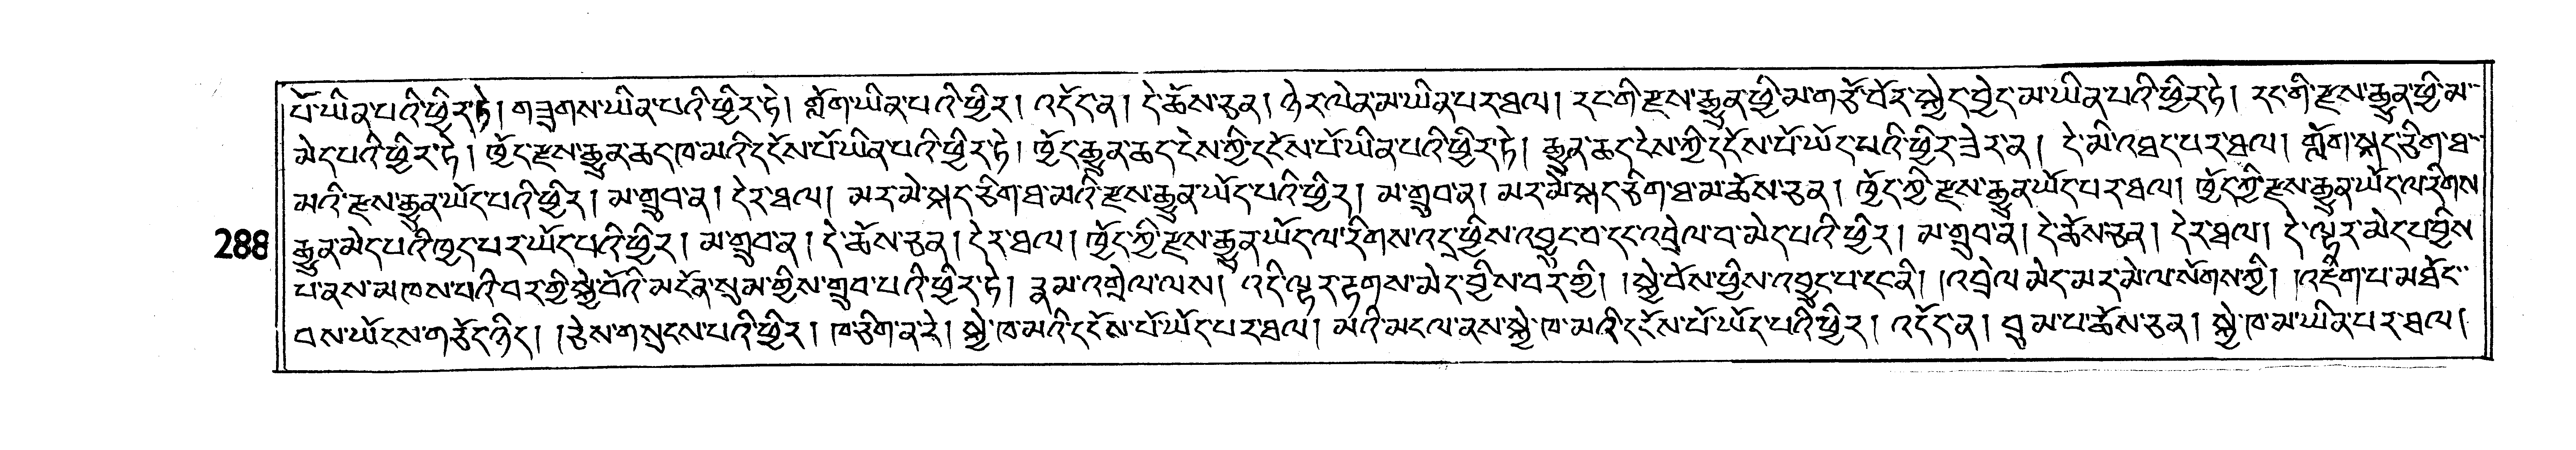པོ་ཡིན་པའི་ཕྱིར་ཏེ། གཟུགས་ཡིན་པའི་ཕྱིར་ཏེ། གློག་ཡིན་པའི་ཕྱིར། འདོད་ན། དེ་ཆོས་ཅན། ཉེར་ལེན་མ་ཡིན་པར་ཐལ། རང་གི་རྫས་རྒྱུན་ཕྱི་མ་གཙོ་བོར་སྐྱེད་བྱེད་མ་ཡིན་པའི་ཕྱིར་ཏེ། རང་གི་རྫས་རྒྱུན་ཕྱི་མ་
མེད་པའི་ཕྱིར་ཏེ། ཁྱོད་རྫས་རྒྱུན་ཆད་ཁ་མའི་དངོས་པོ་ཡིན་པའི་ཕྱིར་ཏེ། ཁྱོད་རྒྱུན་ཆད་ངེས་ཀྱི་དངོས་པོ་ཡིན་པའི་ཕྱིར་ཏེ། རྒྱུན་ཆད་ངེས་ཀྱི་དངོས་པོ་ཡོད་པའི་ཕྱིར་ཟེར་ན། དེ་མི་འཐད་པར་ཐལ། གློག་སྐད་ཅིག་ཐ་
མའི་རྫས་རྒྱུན་ཡོད་པའི་ཕྱིར། མ་གྲུབ་ན། དེར་ཐལ། མར་མེ་སྐད་ཅིག་ཐ་མའི་རྫས་རྒྱུན་ཡོད་པའི་ཕྱིར། མ་གྲུབ་ན། མར་མེ་སྐད་ཅིག་ཐ་མ་ཆོས་ཅན། ཁྱོད་ཀྱི་རྫས་རྒྱུན་ཡོད་པར་ཐལ། ཁྱོད་ཀྱི་རྫས་རྒྱུན་ཡོད་ལ་རིགས་
རྒྱུན་མེད་པའི་ཁྱད་པར་ཡོད་པའི་ཕྱིར། མ་གྲུབ་ན། དེ་ཆོས་ཅན། དེར་ཐལ། ཁྱོད་ཀྱི་རྫས་རྒྱུན་ཡོད་ལ་རིགས་འདྲ་ཕྱིས་འབྱུང་བ་དང་འབྲེལ་བ་མེད་པའི་ཕྱིར། མ་གྲུབ་ན། དེ་ཆོས་ཅན། དེར་ཐལ། དེ་ལྟར་མེད་པ་བྱིས་
པ་ནས་མཁས་པའི་བར་གྱི་སྐྱེ་བོའི་མངོན་སུམ་གྱིས་གྲུབ་པའི་ཕྱིར་ཏེ། རྣམ་འགྲེལ་ལས། འདི་ལྟར་རྟགས་མེད་བྱིས་བར་གྱི། །སྐྱེ་བོས་ཕྱིས་འབྱུང་པ་དང་ནི། །འབྲེལ་མེད་མར་མེ་ལ་སོགས་ཀྱི། །འཇིག་པ་མཐོང་
བས་ཡོངས་གཅོད་ཉིད། །ཅེས་གསུངས་པའི་ཕྱིར། ཁ་ཅིག་ན་རེ། སྐྱེ་ཁ་མའི་དངོས་པོ་ཡོད་པར་ཐལ། མའི་མངལ་ནས་སྐྱེ་ཁ་མའི་དངོས་པོ་ཡོད་པའི་ཕྱིར། འདོད་ན། བུམ་པ་ཆོས་ཅན། སྐྱེ་ཁ་མ་ཡིན་པར་ཐལ།